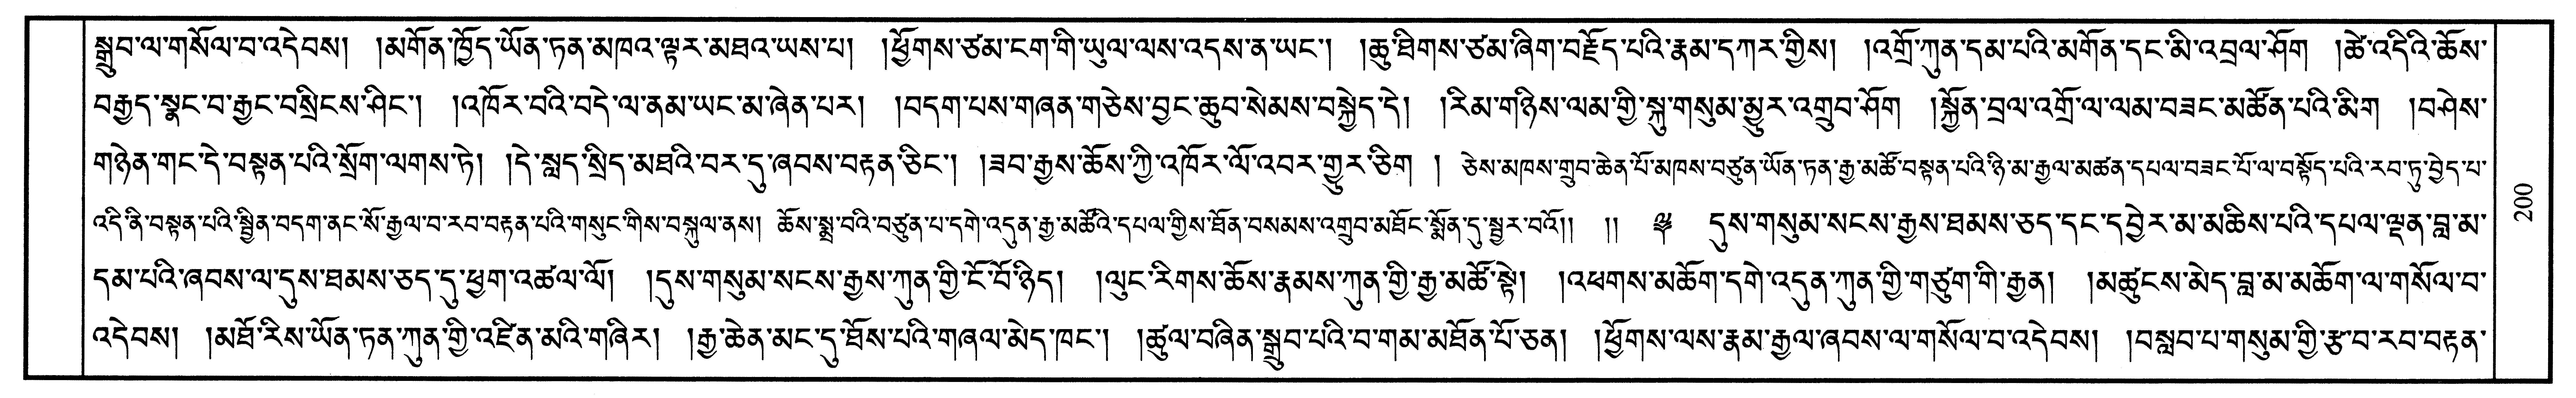སྒྲུབ་ལ་གསོལ་བ་འདེབས། །མགོན་ཁྱོད་ཡོན་ཏན་མཁའ་ལྟར་མཐའ་ཡས་པ། །ཕྱོགས་ཙམ་ངག་གི་ཡུལ་ལས་འདས་ན་ཡང་། །ཆུ་ཐིགས་ཙམ་ཞིག་བརྗོད་པའི་རྣམ་དཀར་གྱིས། །འགྲོ་ཀུན་དམ་པའི་མགོན་དང་མི་འབྲལ་ཤོག །ཚེ་འདིའི་ཆོས་
བརྒྱད་སྣང་བ་རྒྱང་བསྲིངས་ཤིང་། །འཁོར་བའི་བདེ་ལ་ནམ་ཡང་མ་ཞེན་པར། །བདག་པས་གཞན་གཅེས་བྱང་ཆུབ་སེམས་བསྐྱེད་དེ། །རིམ་གཉིས་ལམ་གྱི་སྐུ་གསུམ་མྱུར་འགྲུབ་ཤོག །སྐྱོན་བྲལ་འགྲོ་ལ་ལམ་བཟང་མཚོན་པའི་མིག །བཤེས་
གཉེན་གང་དེ་བསྟན་པའི་སྲོག་ལགས་ཏེ། །དེ་སླད་སྲིད་མཐའི་བར་དུ་ཞབས་བརྟན་ཅིང་། །ཟབ་རྒྱས་ཆོས་ཀྱི་འཁོར་ལོ་འབར་གྱུར་ཅིག །ཅེས་མཁས་གྲུབ་ཆེན་པོ་མཁས་བཙུན་ཡོན་ཏན་རྒྱ་མཚོ་བསྟན་པའི་ཉི་མ་རྒྱལ་མཚན་དཔལ་བཟང་པོ་ལ་བསྟོད་པའི་རབ་ཏུ་བྱེད་པ་
འདི་ནི་བསྟན་པའི་སྦྱིན་བདག་ནང་སོ་རྒྱལ་བ་རབ་བརྟན་པའི་གསུང་གིས་བསྐུལ་ནས། །ཆོས་སྨྲ་བའི་བཙུན་པ་དགེ་འདུན་རྒྱ་མཚོའི་དཔལ་གྱིས་ཐོན་བསམས་འགྲུབ་མཐོང་སྨོན་དུ་སྦྱར་བའོ།། ༈ དུས་གསུམ་སངས་རྒྱས་ཐམས་ཅད་དང་དབྱེར་མ་མཆིས་པའི་དཔལ་ལྡན་བླ་མ་
དམ་པའི་ཞབས་ལ་དུས་ཐམས་ཅད་དུ་ཕྱག་འཚལ་ལོ། །དུས་གསུམ་སངས་རྒྱས་ཀུན་གྱི་ངོ་བོ་ཉིད། །ལུང་རིགས་ཆོས་རྣམས་ཀུན་གྱི་རྒྱ་མཚོ་སྟེ། །འཕགས་མཆོག་དགེ་འདུན་ཀུན་གྱི་གཙུག་གི་རྒྱན། །མཚུངས་མེད་བླ་མ་མཆོག་ལ་གསོལ་བ་
འདེབས། །མཐོ་རིས་ཡོན་ཏན་ཀུན་གྱི་འཛིན་མའི་གཞིར། །རྒྱ་ཆེན་མང་དུ་ཐོས་པའི་གཞལ་མེད་ཁང་། །ཚུལ་བཞིན་སྒྲུབ་པའི་བ་གམ་མཐོན་པོ་ཅན། །ཕྱོགས་ལས་རྣམ་རྒྱལ་ཞབས་ལ་གསོལ་བ་འདེབས། །བསླབ་པ་གསུམ་གྱི་རྩ་བ་རབ་བརྟན་